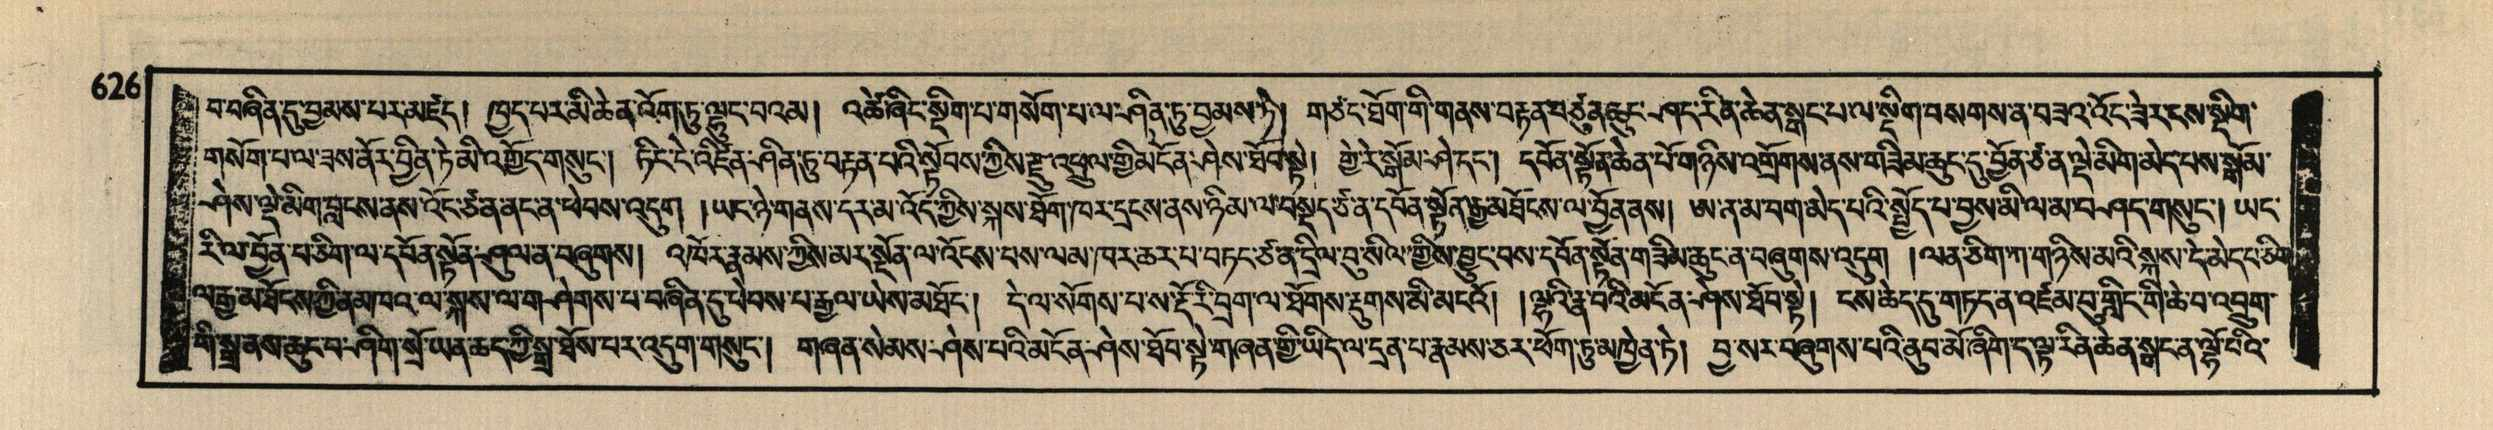བ་བཞིན་དུ་བྱམས་པར་མཛད། ཁྱད་པར་མི་ཆེན་འོག་ཏུ་ལྷུང་བའམ། འཚེ་ཞིང་སྡིག་པ་གསོག་པ་ལ་ཤིན་ཏུ་བྱམས་ཏེ། གཙང་ཐོག་གི་གནས་བརྟན་བཙུན་ཆུང་ཤད་རིན་ཆེན་སྒང་པ་ལ་སྡིག་བསགས་ན་བཟའ་འོད་ཟེར་ངས་སྡིག་
གསོག་པ་ལ་ཟས་ནོར་བྱིན་ཏེ་མི་འགྱོད་གསུང་། ཏིང་ངེ་འཛིན་ཤིན་ཏུ་བརྟན་པའི་སྟོབས་ཀྱིས་རྫུ་འཕྲུལ་གྱི་མངོན་ཤེས་ཐོབ་སྟེ། གྱེ་རེ་སྒོམ་ཤེ་དང་། དབོན་སྟོན་ཆེན་པོ་གཉིས་འགྲོགས་ནས་གཟིམ་ཆུང་དུ་བྱོན་ཙ་ན་ལྡེ་མིག་མེད་པས་སྒོམ་
ཤེས་ལྡེ་མིག་བླངས་ནས་འོང་ཙ་ན་ནང་ན་ཕེབས་འདུག །ཡང་ཉེ་གནས་དར་མ་འོད་ཀྱིས་སྐས་ཐོག་ཁར་དྲངས་ནས་ཉིམ་ལ་བསྡད་ཙ་ན་དབོན་སྟོན་རྒྱ་མཐོངས་ལ་བྱོན་ནས། ཨ་ན་མ་བག་མེད་པའི་སྤྱོད་པ་བྱས་མི་ལ་མ་བཤད་གསུང་། ཡང་
རི་ལ་བྱོན་པ་ཅིག་ལ་དཔོན་སྟོན་ཤུལ་ན་བཞུགས། འཁོར་རྣམས་ཀྱིས་མར་སྔོན་ལ་འོངས་པས་ལམ་ཁར་ཆར་པ་བཏང་ཙ་ན་དྲིལ་བུ་སིལ་གྱིས་བྱུང་བས་དབོན་སྟོན་གཟིམ་ཆུང་ན་བཞུགས་འདུག །ལན་ཅིག་ཀ་གཉིས་མའི་སྐས་དེ་མེད་པ་ཅིག་
ལ་རྒྱ་མ་ཐོངས་ཀྱི་ན་མཁའ་ལ་སྐས་ལ་གཤེགས་པ་བཞིན་དུ་ཕེབས་པ་རྒྱལ་ཡེས་མཐོང་། དེ་ལ་སོགས་པ་ས་རྡོ་རི་བྲག་ལ་ཐོགས་རྡུགས་མི་མངའོ། །ལྷའི་རྣ་བའི་མངོན་ཤེས་ཐོབ་སྟེ། ངས་ཆེད་དུ་གཏད་ན་འཛམ་བུ་གླིང་གི་ཆེ་བ་འབྲུག་
གི་སྒྲ་ནས་ཆུང་བ་ཤིག་སྲོ་ཡན་ཆད་ཀྱི་སྒྲ་ཐོས་པར་འདུག་གསུང་། གཞན་སེམས་ཤེས་པའི་མངོན་ཤེས་ཐོབ་སྟེ་གཞན་གྱི་ཡིད་ལ་དྲན་པ་རྣམས་ཅར་ཕོག་ཏུ་མཁྱེན་ཏེ། བྱ་སར་བཞུགས་པའི་ནུབ་མོ་ཞིག་ད་ལྟ་རིན་ཆེན་སྒང་ན་ལྷོ་པའི་